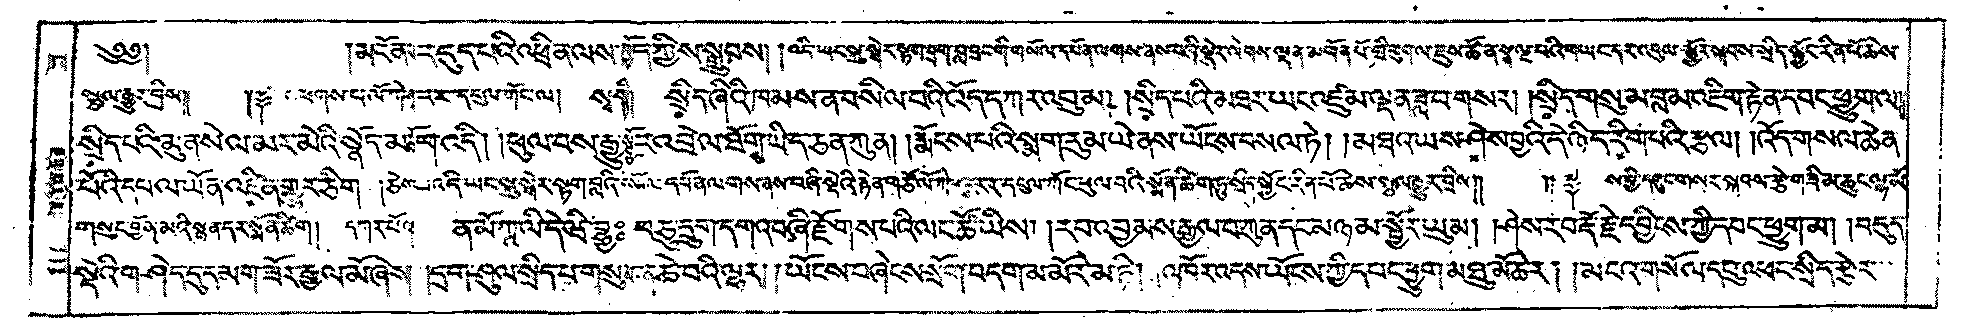༄༅། །མངོན་པར་དུད་པའི་འཕྲིན་ལས་ཁྱོད་ཀྱིས་སྒྲུབས། །འདི་ཡང་སྐུ་སྒེར་སྟག་བྲག་བླ་བྲང་གི་གསོལ་དཔོན་ལགས་ནས་བཞི་སྡེར་ལེགས་ལྡན་མགོན་པོ་གྲི་གུག་ལ་ཇུས་ཚོན་སྣ་ལྔ་པའི་གཡང་དར་འབུལ་སྦྱོར་སྐབས་སྲིད་སྐྱོང་རིན་པོ་ཆེས་
སྩལ་རྒྱུར་བྲིས།། །། ༈ འཕགས་པ་ལོ་ཀེ་ཤྭ་རར་དངུལ་ཀོང་ལ། སྭ་སྟི། སྲིད྾་ཞིའི་ཁམས་ན་བསིལ་པའི་འོད་དཀར་འབུམ། །སྲིད྾་པའི་མཐར་ཡང་འཛུམ་ལྡན་ཟླ་བ་གསར། །སྲིད྾་གསུམ་བླ་མ་འཇིག་རྟེན་དབང་ཕྱུག་ལ།།
སྲིད྾་པའི་མུན་སེལ་མར་མེའི་སྣོད་མཆོག་འདི། །ཕུལ་བས་རྒྱུ་སྦྱོར་འབྲེལ་ཐོགས་ཡིད་ཅན་ཀུན། །རྨོངས་པའི་སྨག་རུམ་ཡེ་྾་ནས་ཡོངས་བསལ་ཏེ། །མཐའ་ཡས་ཤེས་྾་བྱའི་དེ་ཉིད་རིག་྾་པའི་རྩལ། །འོད་གསལ་ཆེན་
པོའི་དཔལ་ཡོན་འཛིན་྾་གྱུར་ཅིག །ཅེས་པ་འདི་ཡང་སྐུ་སྒེར་སྟག་བླའི་གསོལ་དཔོན་ལགས་ནས་བཞི་སྡེའི་རྟེན་གཙོ་ལོ་ཀེ་ཤྭ་རར་དངུལ་ཀོང་ཕུལ་བའི་སྨོན་ཚིག་ཏུ་སྲིད་སྐྱོང་རིན་པོ་ཆེས་སྩལ་རྒྱུར་བྲིས།། །། ༈ ས་བྱི་དགུང་གསར་སྐབས་རྩེ་གཟིམ་ཆུང་ལྷ་མོ་
གསུང་བྱོན་མའི་སྙན་དར་སྨོན་ཚིག །དཀར་པོ་ལ། ན་མོ་ཀཱ་ལི་དེ་ཝི་བྷྱཿ བཅུ་དྲུག་དགའ་བཞི་རྫོགས་པའི་ལང་ཚོ་ཡིས། །རབ་འབྱམས་རྒྱལ་བ་ཀུན་དང་མཉམ་སྦྱོར་ཡུམ། །ཤེས་རབ་རྡོ་རྗེ་དབྱིངས་ཀྱི་དབང་ཕྱུག་མ། །བདུད་
སྡེའི་གཤེད་དུ་དམག་ཟོར་རྒྱལ་མོ་ཞེས། །དྲག་ཤུལ་སྲིད་པ་གསུམ་ན་ཆེ་བའི་ལྷར། །ཡོངས་བཞེངས་སྲོག་བདག་མ་མོ་རེ་མ་ཏི། །འཁོར་འདས་ཡོངས་ཀྱི་དབང་ཕྱུག་མཐུ་མོ་ཆེར། །མངའ་གསོལ་དབུ་འཕང་སྲིད་རྩེར་